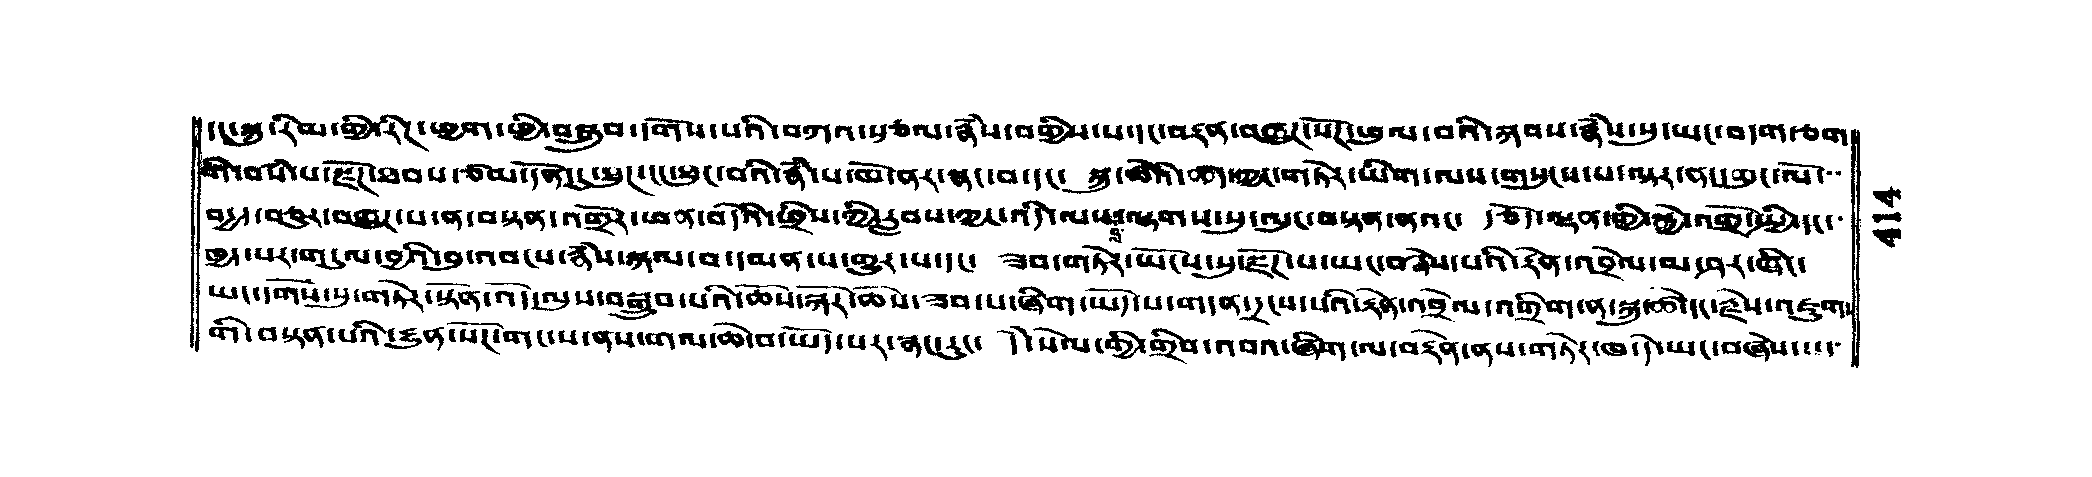དང་སྐུ་རིམ་གྱི་རིགས་ཕྱག་ཕྱི་བསྒྲུབ་དགོས་པའི་བཀའ་སྩལ་རྣམས་བགྱིས་པ་དང་བརྟན་བཞུགས་སོགས་ཕུལ་བའི་སྐབས་རྣམས་སུ་ཡང་བདག་ཅག་
གི་བསམ་པ་རྫོགས་ཐབས་ཙམ་ལས་དོན་དུ་ཐུགས་ངང་ཐུང་བའི་རྣམ་པ་ཁོ་ན་སྣང་བ་དང་། སྐུ་ཚེའི་ཚད་ཀྱང་གཏེར་ཡིག་ལས་གསུངས་པ་ལྟར་ན་དགུང་ལོ་
བརྒྱད་བཅུར་བཞུགས་པ་ན་བསྟན་འགྲོར་ཕན་བདེའི་ཕྲིན་ལས་ཀྱི་རླབས་ཀྱང་འདི་ལས་བླ་ལྷག་ཏུ་ལུང་བསྟན་ནའང་། རྩོད་ལྡན་གྱི་སྐྱེ་འགྲོ་སྤྱི་དང་
ཁྱད་པར་གདུལ་བྱའི་བུ་འབངས་རྣམས་སྐལ་བ་དམན་པར་གྱུར་པ་དང་། ཟབ་གཏེར་ཡོངས་སུ་རྫོགས་པ་ཡང་བཞེས་པའི་རྟེན་འབྲེལ་མ་ཤར་ཞིང་། 
ཡང་དགོས་སུ་གཏེར་སྟོན་འོད་ལུས་བསྒྲུབ་པའི་ཆོས་སྐོར་ཆོས་ཟབ་པ་ཞིག་ཡོད་པ་གདན་འདྲེན་པའི་རྟེན་འབྲེལ་འགྲིག་ན་སྐུ་ཚེ་དང་རྗེས་འཇུག་
གི་བསྟན་པའི་རྒྱུན་སོགས་གང་ས་ནས་གལ་ཆེ་བ་ཡོད་པར་སྣང་རུང་། དམ་སེལ་གྱི་གྲིབ་འབའ་ཞིག་ལ་བརྟེན་ནས་གཏེར་ཁ་དེ་ཡང་བཞེས་པ་